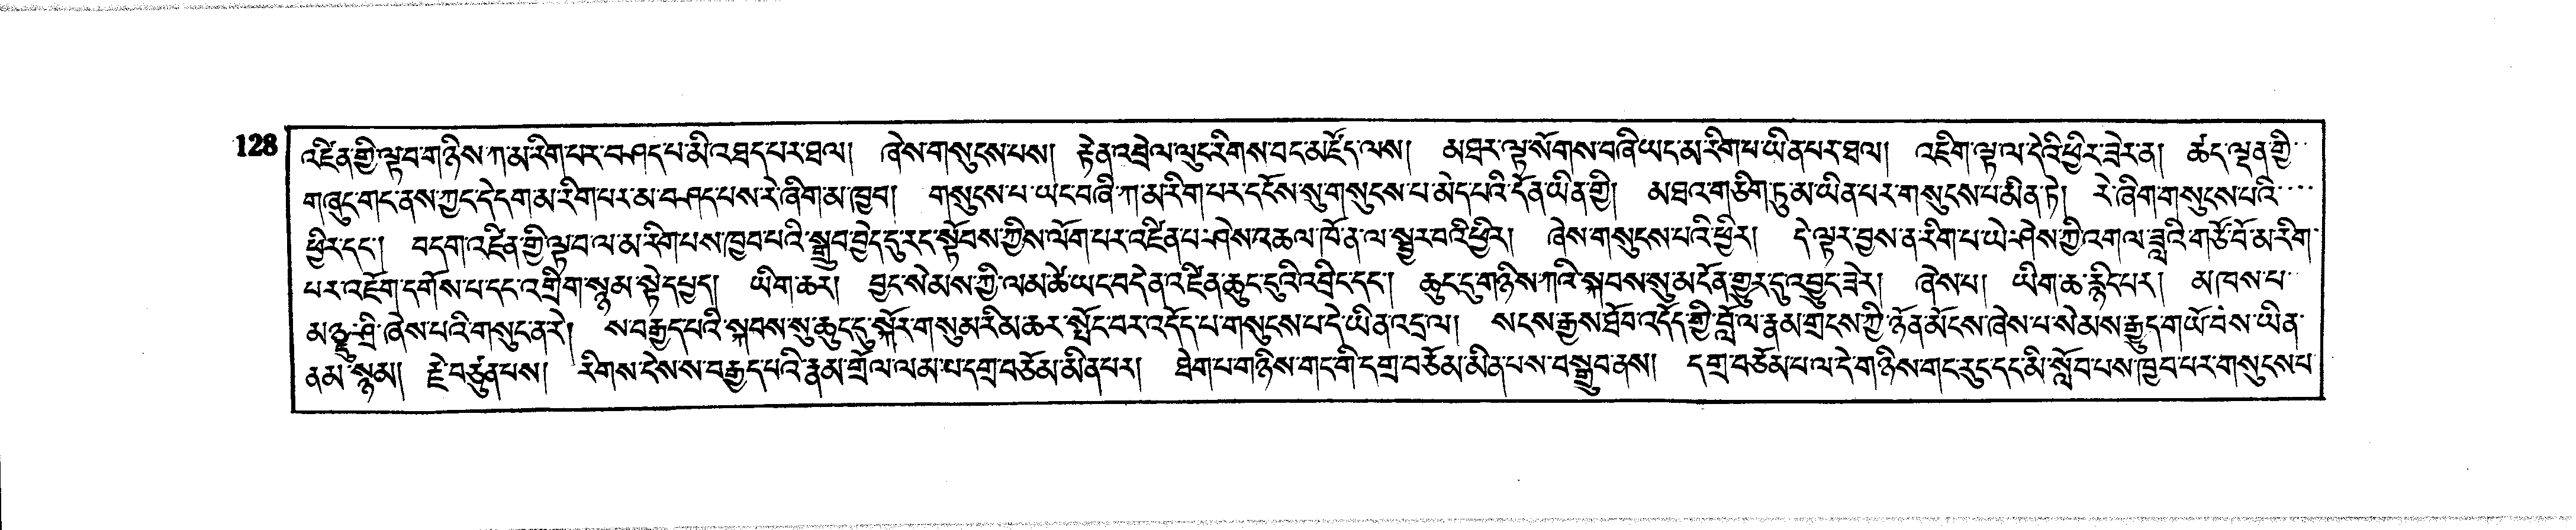འཛིན་གྱི་ལྟ་བ་གཉིས་ཀ་མ་རིག་པར་བཤད་པ་མི་འཐད་པར་ཐལ། ཞེས་གསུངས་པས། རྟེན་འབྲེལ་ལུང་རིགས་བང་མཛོད་ལས། མཐར་ལྟ་སོགས་བཞི་ཡང་མ་རིག་པ་ཡིན་པར་ཐལ། འཇིག་ལྟ་ལ་དེའི་ཕྱིར་ཟེར་ན། ཚད་ལྡན་གྱི་
གཞུང་གང་ནས་ཀྱང་དེ་དག་མ་རིག་པར་མ་བཤད་པས་རེ་ཞིག་མ་ཁྱབ། གསུངས་པ་ཡང་བཞི་ཀ་མ་རིག་པར་དངོས་སུ་གསུངས་པ་མེད་པའི་དོན་ཡིན་གྱི། མཐའ་གཅིག་ཏུ་མ་ཡིན་པར་གསུངས་པ་མིན་ཏེ། རེ་ཞིག་གསུངས་པའི་
ཕྱིར་དང་། བདག་འཛིན་གྱི་ལྟ་བ་ལ་མ་རིག་པས་ཁྱབ་པའི་སྒྲུབ་བྱེད་དུ་རང་སྟོབས་ཀྱིས་ལོག་པར་འཛིན་པ་ཤེས་འཆལ་ཁོ་ན་ལ་སྦྱར་བའི་ཕྱིར། ཞེས་གསུངས་པའི་ཕྱིར། དེ་ལྟར་བྱས་ན་རིག་པ་ཡེ་ཤེས་ཀྱི་འགལ་ཟླའི་གཙོ་བོ་མ་རིག་
པར་འཇོག་དགོས་པ་དང་འགྲིག་སྙམ་སྟེ་དཔྱད། ཡིག་ཆར། བྱང་སེམས་ཀྱི་ལམ་ཚེ་ཡང་བདེན་འཛིན་ཆུང་ངུའི་འབྲིང་དང་། ཆུང་དུ་གཉིས་ཀའི་སྐབས་སུ་མངོན་གྱུར་དུ་འབྱུང་ཟེར། ཞེས་པ། ཡིག་ཆ་རྙིང་པར། མཁས་པ་
མཉཛུ་ཤྲི་ཞེས་པའི་གསུང་ན་རེ། ས་བརྒྱད་པའི་སྐབས་སུ་ཆུང་དུ་སྐོར་གསུམ་རིམ་ཆར་སྤོང་བར་འདོད་པ་གསུངས་པ་དེ་ཡིན་འདྲ་ལ། སངས་རྒྱས་ཐོབ་འདོད་གྱི་བློ་ལ་རྣམ་གྲངས་ཀྱི་ཉོན་མོངས་ཞེས་པ་སེམས་རྒྱུད་གཡོ་བས་ཡིན་
ནམ་སྙམ། རྗེ་བཙུན་པས། རིགས་ངེས་ས་བརྒྱད་པའི་རྣམ་གྲོལ་ལམ་པ་དགྲ་བཅོམ་མིན་པར། ཐེག་པ་གཉིས་གང་གི་དགྲ་བཅོམ་མིན་པས་བསྒྲུབ་ནས། དགྲ་བཅོམ་པ་ལ་དེ་གཉིས་གང་རུང་དང་མི་སློབ་པས་ཁྱབ་པར་གསུངས་པ་